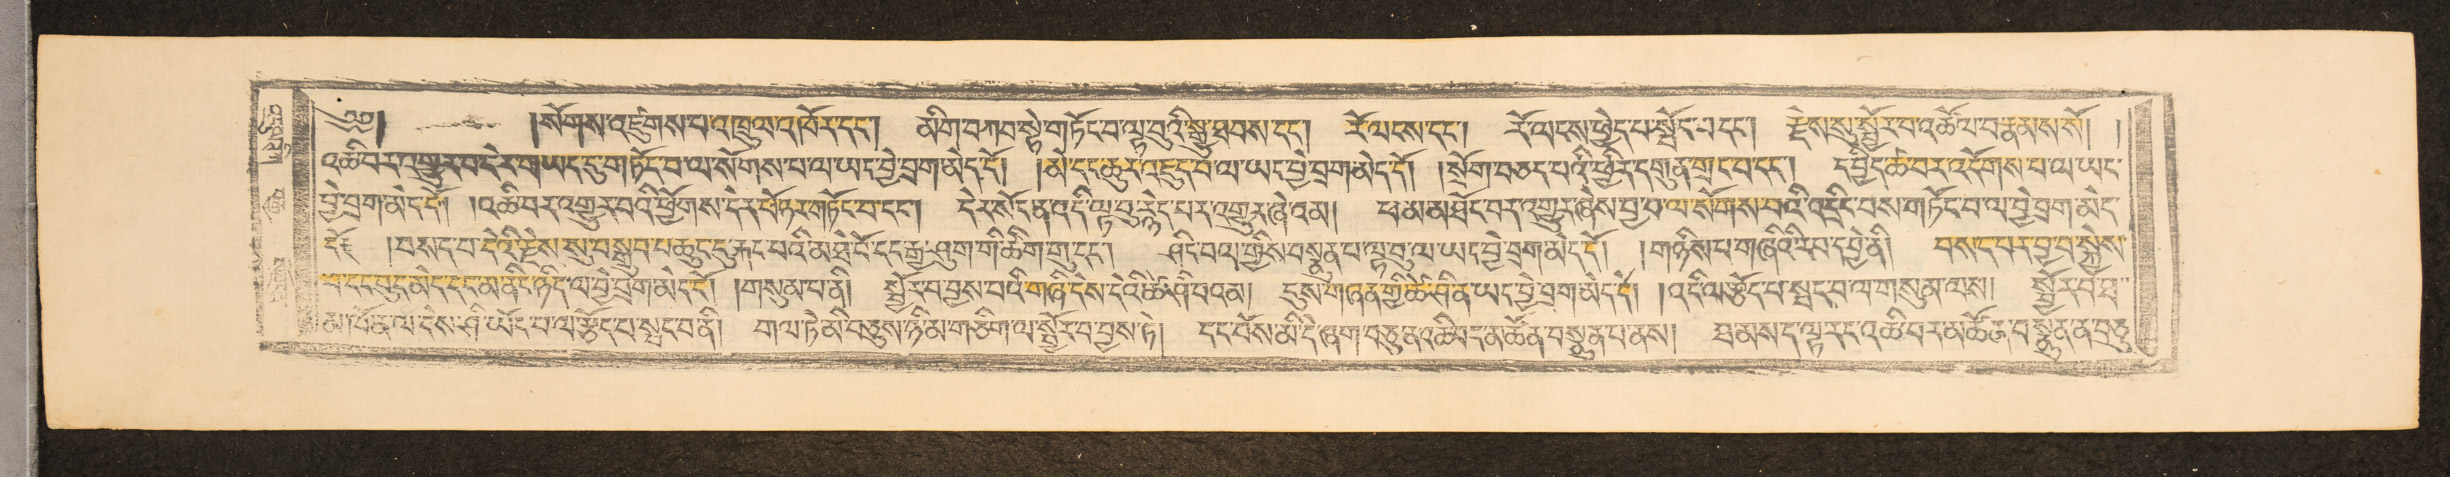༄༅། །སོགས་འཛུགས་པ་འཁྲུལ་འཁོར་དང་། མིག་བཀབ་སྟེ་གཏོང་བ་ལྟ་བུའི་སྒྱུ་ཐབས་དང་། རོ་ལངས་དང་། རོ་ལངས་ཕྱེད་པ་སྦོད་པ་དང་། རྗེས་སུ་སྦྱོར་བ་འཚོལ་བ་རྣམས་སོ། །
འཆི་བར་འགྱུར་བ་དེར་གཡང་དུ་གཏོང་བ་ལ་སོགས་པ་ལ་ཡང་བྱེ་བྲག་མེད་དོ། །མེ་དང་ཆུར་འཛུད་པ་ལ་ཡང་བྱེ་བྲག་མེད་དོ། །སྲོག་བཅད་པའི་ཕྱིར་དགུན་གྲང་བ་དང་། དཔྱིད་ཚ་བར་འདོགས་པ་ལ་ཡང་
བྱེ་བྲག་མེད་དོ། །འཆི་བར་འགྱུར་བའི་ཕྱོགས་དེར་ཕོ་ཉར་གཏོང་བ་དང་། དེར་སོང་ན་འདི་ལྟ་བུ་རྙེད་པར་འགྱུར་ཞེ་འམ། ཕ་མ་མཐོང་བར་འགྱུར་ཞེས་བྱ་བ་ལ་སོགས་པའི་འདྲིད་པས་གཏོང་བ་ལ་བྱེ་བྲག་མེད་
དོ༑ །བསད་པ་དེའི་རྗེས་སུ་བསྒྲུབ་པ་ཆུང་དུ་རྐང་པའི་མཐེ་བོ་དང་རྒྱ་ཤུག་གི་ཚིག་གུ་དང་། ཤིང་བལ་གྱིས་བསྣུན་པ་ལྟ་བུ་ལ་ཡང་བྱེ་བྲག་མེད་དོ། །གཉིས་པ་གཞིའི་རབ་དབྱེ་ནི། བསད་པར་བྱ་བ་སྐྱེས་
པ་དང་བུད་མེད་དང་མ་ནིང་ཉིད་ལ་བྱེ་བྲག་མེད་དོ། །གསུམ་པ་ནི། སྦྱོར་བ་བྱས་པའི་གཞི་དེས་དེའི་ཚེ་ཤི་བའམ། དུས་གཞན་གྱི་ཚེ་ཤི་ན་ཡང་བྱེ་བྲག་མེད་དེ། །འདི་ལ་རྩོད་པ་སྤང་པ་ལ་གསུམ་ལས། སྦྱོར་བ་ཐ་
མ་ཁོ་ན་ལ་དེས་ཤི་ཡོད་པ་ལ་རྩོད་པ་སྤང་བ་ནི། གལ་ཏེ་མི་བཅུས་ཉི་མ་གཅིག་ལ་སྦྱོར་བ་བྱས་ཏེ། དང་པོས་མི་དེ་ཞག་བཅུ་ན་འཆི་བར་མཚོན་བསྣུན་པ་ནས། ཐ་མས་ད་ལྟ་རང་འཆི་བར་མཚོན་བསྣུན་ན་བཅུ་